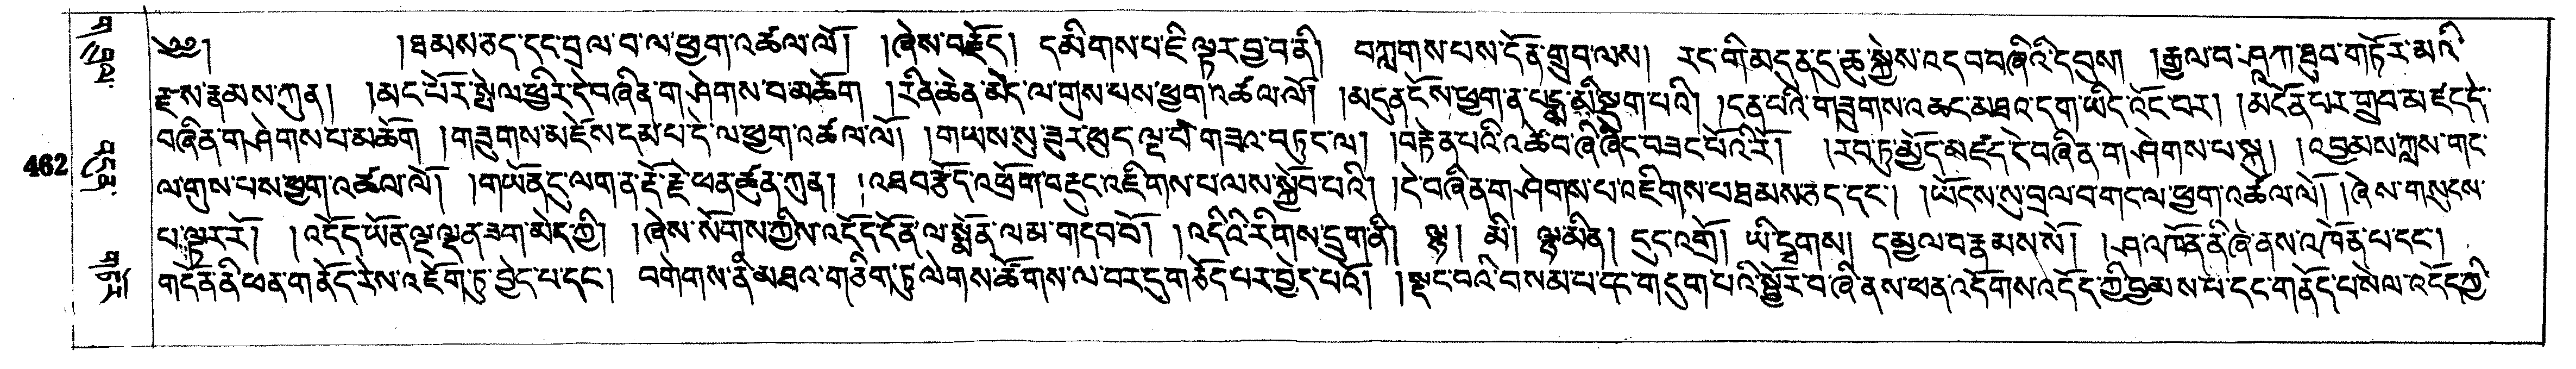༄༅། །ཐམས་ཅད་དང་བྲལ་བ་ལ་ཕྱག་འཚལ་ལོ། །ཞེས་བརྗོད། དམིགས་པ་ཇི་ལྟར་བྱ་བ་ནི། བཀླགས་པས་དོན་གྲུབ་ལས། རང་གི་མདུན་དུ་ཆུ་སྐྱེས་འདབ་བཞིའི་དབུས། །རྒྱལ་བ་ཤཱཀྱ་ཐུབ་གཏོར་མའི་
རྫས་རྣམས་ཀུན། །མང་པོར་སྤེལ་ཕྱིར་དེ་བཞིན་གཤེགས་པ་མཆོག །རིན་ཆེན་མེད་ལ་གུས་པས་ཕྱག་འཚལ་ལོ། །མདུན་ངོས་ཕྱག་ན་པདམ་མི་སྡུག་པའི། །ངན་པའི་གཟུགས་འཆང་མཐའ་དག་ཡིད་འོང་བར། །མངོན་པར་གྲུབ་མཛད་དེ་
བཞིན་གཤེགས་པ་མཆོག །གཟུགས་མཛེས་དམ་པ་དེ་ལ་ཕྱག་འཚལ་ལོ། །གཡས་སུ་ཟུར་ཕུད་ལྔ་པ་གཟའ་བཏུང་ལ། །བརྟེན་པའི་འཚེ་བ་ཞི་ཞིང་བཟང་པོའི་རོ། །རབ་ཏུ་མྱོད་མཛད་དེ་བཞིན་གཤེགས་པ་སྐུ། །འབྱམས་ཀླས་གང་
ལ་གུས་པས་ཕྱག་འཚལ་ལོ། །གཡོན་དུ་ལག་ན་རྡོ་རྗེ་ཕན་ཚུན་ཀུན། །འཐབ་བརྩོད་འཕྲོག་བརྡུང་འཇིགས་པ་ལས་སྐྱོབ་པའི། །དེ་བཞིན་གཤེགས་པ་འཇིགས་པ་ཐམས་ཅད་དང་། །ཡོངས་སུ་བྲལ་བ་གང་ལ་ཕྱག་འཚལ་ལོ། །ཞེས་གསུངས་
པ་ལྟར་རོ། །འདོད་ཡོན་ལྔ་ལྡན་ཟག་མེད་ཀྱི། །ཞེས་སོགས་ཀྱིས་འདོད་དོན་ལ་སྨོན་ལམ་གདབ་བོ། །འདིའི་རིགས་དྲུག་ནི། ལྷ། མི། ལྷ་མིན། དུད་འགྲོ། ཡི་དྭགས། དམྱལ་བ་རྣམས་སོ། །ཤ་འཁོན་ནི་ཞེ་ནས་འཁོན་པ་དང་།
གདོན་ནི་ཕན་གནོད་རེས་འཇོག་ཏུ་བྱེད་པ་དང་། བགེགས་ནི་མཐའ་གཅིག་ཏུ་ལེགས་ཚོགས་ལ་བར་དུ་གཅོད་པར་བྱེད་པའོ། །སྡང་བའི་བསམ་པ་དང་གདུག་པའི་སྦྱོར་བ་ཞི་ནས་ཕན་འདོགས་འདོད་ཀྱི་བྱམས་པ་དང་གནོད་པ་སེལ་འདོད་ཀྱི་